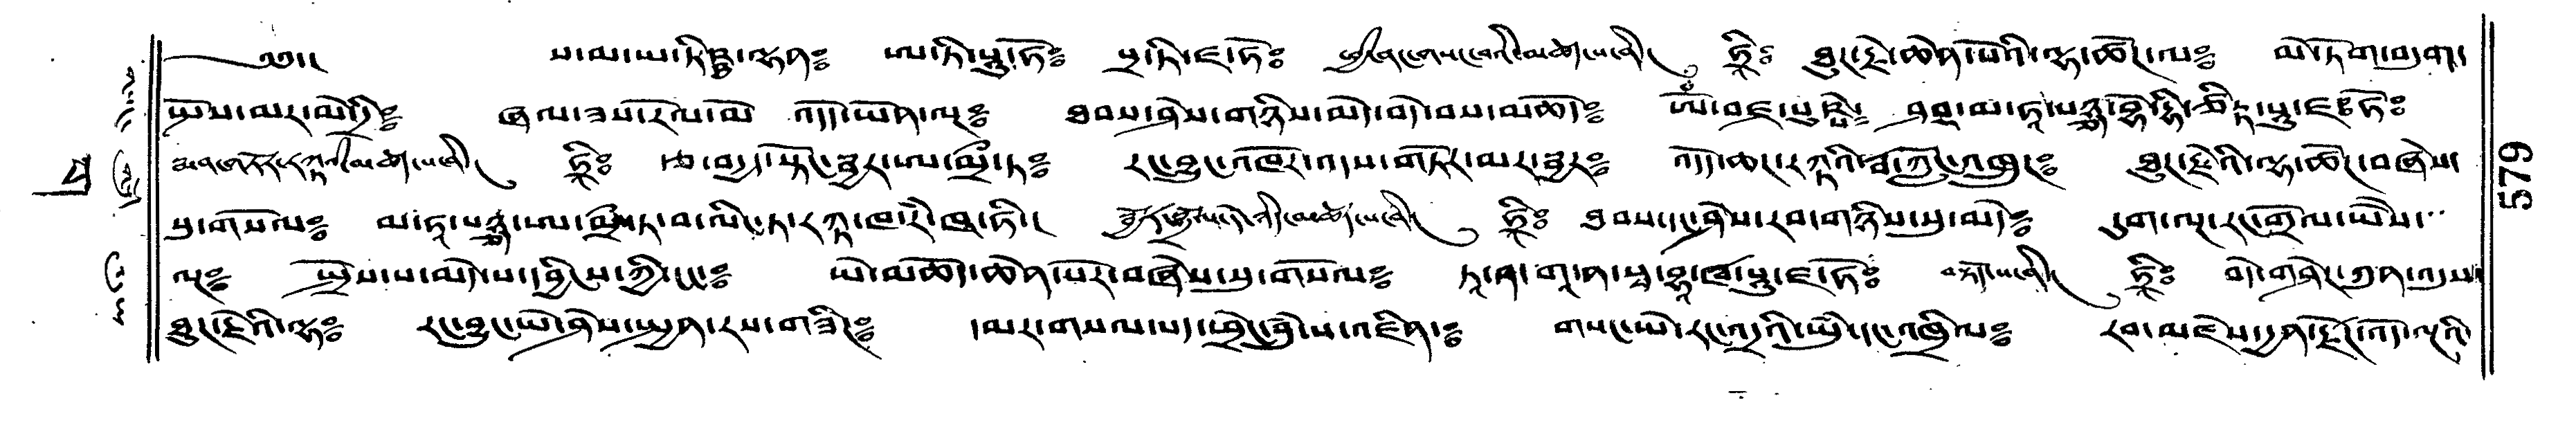ས་མ་ཡ་ཏིཎྛ་ལྷན༔ ཨ་ཏི་པཱུ་ཧོ༔ པྲ་ཏི་ཛ་ཧོ༔ ཕྱི་ནང་གསང་བའི་མཆོད་པ་ནི། ཧྲཱི༔ ཐུགས་རྗེ་ཆེན་པོའི་ལྷ་ཚོགས་ལ༔ མེ་ཏོག་བདུག་
སྤོས་མར་མེ་དྲི༔ ཞལ་ཟས་རོལ་མོ་འདོད་ཡོན་ལྔ༔ ཐབས་ཤེས་གཉིས་མེད་བདེ་བས་མཆོད༔ ཨོཾ་བཛྲ་པུཥྤེ༴ ཤབྡ་མ་ཧཱ་པཉྩ་བྷོ་དྷི་ཙིཏྟ་པཱུ་ཛཿཧོ༔ 
སྨན་གཏོར་རཀྟའི་མཆོད་པ་ནི། ཧྲཱི༔ རྩ་བརྒྱད་སྟོང་སྦྱར་ཨ་མྲྀ་ཏ༔ རང་བྱུང་འཁོར་འདས་གཏོར་མར་སྦྱར༔ འདོད་ཆགས་རཀྟའི་རྦ་ཀློང་འཁྲུགས༔ ཐུགས་རྗེའི་ལྷ་ཚོགས་བཞེས་
སུ་གསོལ༔ མ་ཧཱ་པཉྩ་ཨ་མྲྀ་ཏ་བ་ལིང་ཏ་རཀྟ་ཁ་རཾ་ཁཱ་ཧི༔ སྦྱོར་སྒྲོལ་དེ་ཉིད་མཆོད་པ་ནི། ཧྲཱི༔ ཐབས་དང་ཤེས་རབ་གཉིས་སུ་མེད༔ དུག་ལྔ་རང་གྲོལ་ཡེ་ཤེས་
ལྔ༔ སྤྲོས་པ་མེད་པ་དབྱིངས་ཀྱི་ངང༔ ཡེ་མཆོད་ཆེན་པོར་བཞེས་སུ་གསོལ༔ ཏཱ་ན་གཱ་ན་སྭ་བྷཱ་ཝ་པཱུ་ཛ་ཧོ༔ བསྟོད་པ་ནི། ཧྲཱི༔ བདཻ་གཤེགས་ཀུན་འདུས་
ཐུགས་རྗེའི་ལྷ༔ རང་བྱུང་ཡེ་ཤེས་སྤྱན་རས་གཟིགས༔ དམར་གསལ་པད་ཕྲེང་བུམ་པ་འཛིན༔ གསང་ཡེ་རང་འདྲའི་ཡུམ་དང་འཁྲིལ༔ རབ་མཛེས་རྒྱན་རྫོགས་འོད་ལྔའི་